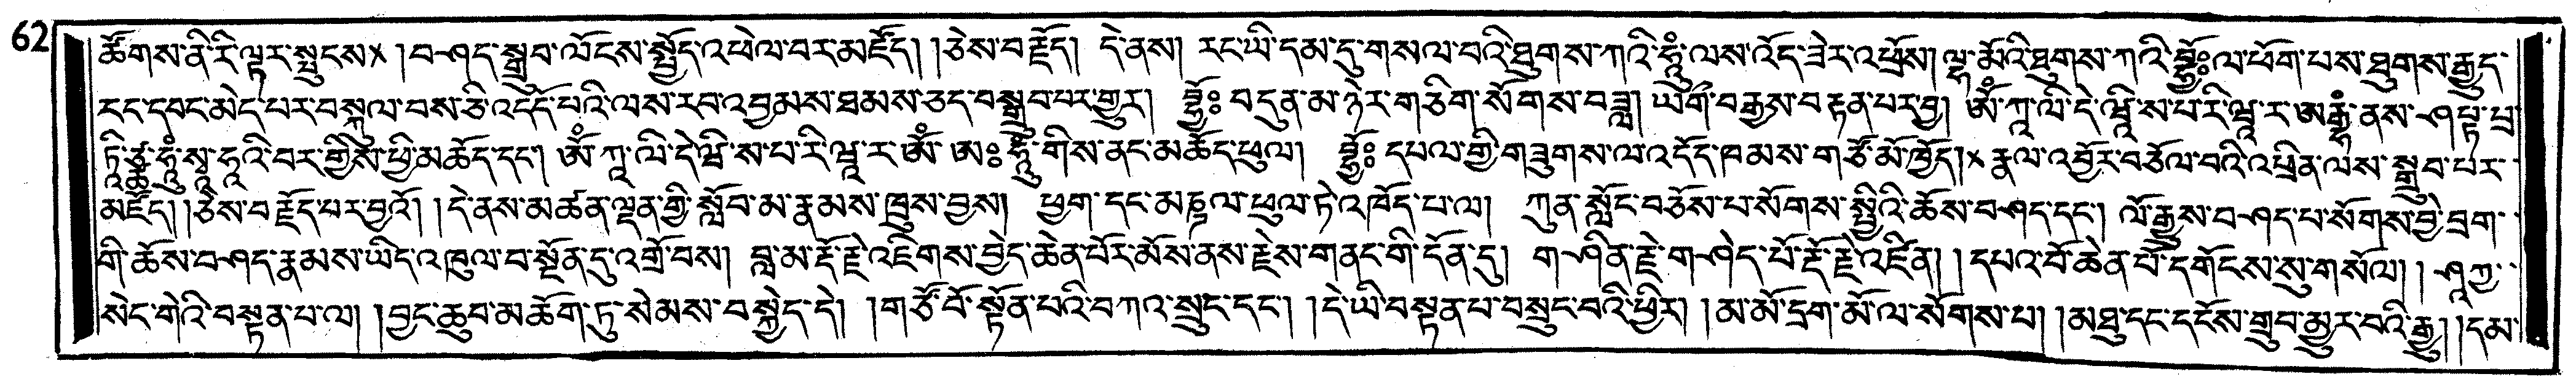ཚོགས་ནི་རི་ལྟར་སྤུངས་+། བཤད་སྒྲུབ་ལོངས་སྤྱོད་འཕེལ་བར་མཛོད། །ཅེས་བརྗོད། དེ་ནས། རང་ཡི་དམ་དུ་གསལ་བའི་ཐུགས་ཀའི་ཧཱུཾ་ལས་འོད་ཟེར་འཕྲོས། ལྷ་མོའི་ཐུགས་ཀའི་བྷྱོཿ ལ་ཕོག་པས་ཐུགས་རྒྱུད་
རང་དབང་མེད་པར་བསྐུལ་བས་ཅི་འདོད་པའི་ལས་རབ་འབྱམས་ཐམས་ཅད་བསྒྲུབ་པར་གྱུར། བྷྱོཿ བདུན་མ་ཉེར་གཅིག་སོགས་བཟླ། ཡིག་བརྒྱས་བརྟན་པར་བྱ། ཨོཾ་ཀཱ་ལི་དེ་ཝཱི་ས་པ་རི་ཝཱ་ར་ཨརྒྷཾ་ནས་ཤཔྟ་པྲ་
ཏཱི་ཙྪ་ཧཱུཾ་སྭཱ་ཧཱའི་བར་གྱིས་ཕྱི་མཆོད་དང་། ཨོཾ་ཀཱ་ལི་དེ་ཝི་ས་པ་རི་ཝཱ་ར་ཨོཾ་ཨཿ ཧཱུཾ་གིས་ནང་མཆོད་ཕུལ། བྷྱོཿ དཔལ་གྱི་གཟུགས་ལ་འདོད་ཁམས་གཙོ་མོ་ཁྱོད། རྣལ་འབྱོར་བཅོལ་བའི་འཕྲིན་ལས་སྒྲུབ་པར་
མཛོད། །ཅེས་བརྗོད་པར་བྱའོ། །དེ་ནས་མཚན་ལྡན་གྱི་སློབ་མ་རྣམས་ཁྲུས་བྱས། ཕྱག་དང་མཎྜལ་ཕུལ་ཏེ་འཁོད་པ་ལ། ཀུན་སློང་བཅོས་པ་སོགས་སྤྱིའི་ཆོས་བཤད་དང་། ལོ་རྒྱུས་བཤད་པ་སོགས་བྱེ་བྲག་
གི་ཆོས་བཤད་རྣམས་ཡིད་འཁུལ་བ་སྔོན་དུ་འགྲོ་བས། བླ་མ་རྡོ་རྗེ་འཇིགས་བྱེད་ཆེན་པོར་མོས་ནས་རྗེས་གནང་གི་དོན་དུ། གཤིན་རྗེ་གཤེད་པོ་རྡོ་རྗེ་འཛིན། །དཔའ་བོ་ཆེན་པོ་དགོངས་སུ་གསོལ། །ཤཱཀྱ་
སེང་གེའི་བསྟན་པ་ལ། །བྱང་ཆུབ་མཆོག་ཏུ་སེམས་བསྐྱེད་དེ། །གཙོ་བོ་སྟོན་པའི་བཀའ་སྲུང་དང་། །དེ་ཡི་བསྟན་པ་བསྲུང་བའི་ཕྱིར། །མ་མོ་དྲག་མོ་ལ་སོགས་པ། །མཐུ་དང་དངོས་གྲུབ་མྱུར་བའི་རྒྱུ། །དམ་